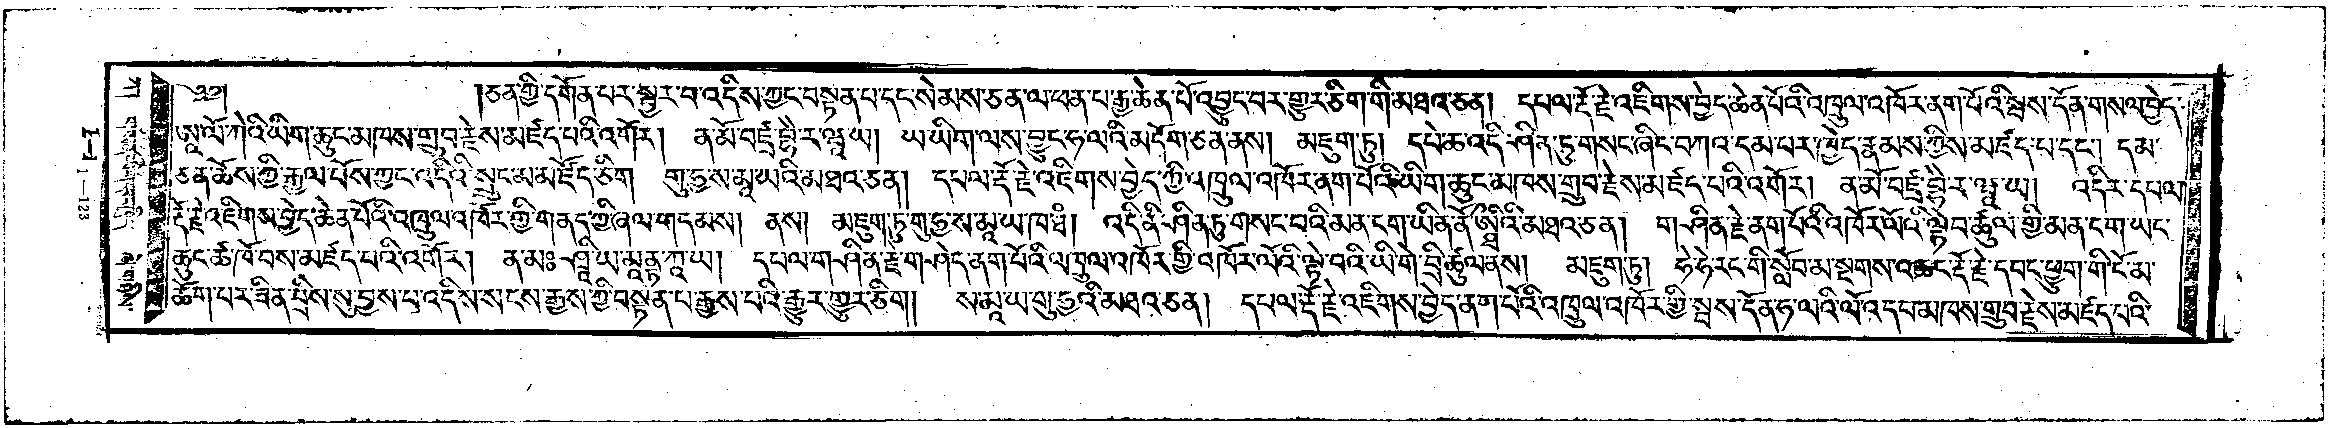༄༅། །ཅན་གྱི་དགོན་པར་སྦྱར་བ་འདིས་ཀྱང་བསྟན་པ་དང་སེམས་ཅན་ལ་ཕན་པ་རྒྱ་ཆེན་པོ་འབྱུང་བར་གྱུར་ཅིག་གི་མཐའ་ཅན། དཔལ་རྡོ་རྗེ་འཇིགས་བྱེད་ཆེན་པོའི་འཁྲུལ་འཁོར་ནག་པོའི་སྦས་དོན་གསལ་བྱེད་
ཨཱ་ལོ་ཀེའི་ཡིག་ཆུང་མཁས་གྲུབ་རྗེས་མཛད་པའི་འགོར། ན་མོ་བཛྲ་བྷཻ་ར་ཝཱ་ཡ། ཡ་ཡིག་ལས་བྱུང་ཧ་ལའི་མདོག་ཅན་ནས། མཇུག་ཏུ། དཔེ་ཆ་འདི་ཤིན་ཏུ་གསང་ཞིང་བཀའ་དམ་པར་ཁྱེད་རྣམས་ཀྱིས་མཛད་པ་དང་། དམ་
ཅན་ཆོས་ཀྱི་རྒྱལ་པོས་ཀྱང་འདིའི་སྲུང་མ་མཛོད་ཅིག་གུ་ཧྱ་ས་མཱ་ཡའི་མཐའ་ཅན། དཔལ་རྡོ་རྗེ་འཇིགས་བྱེད་ཀྱི་འཁྲུལ་འཁོར་ནག་པོའི་ཡིག་ཆུང་མཁས་གྲུབ་རྗེས་མཛད་པའི་འགོར། ན་མོ་བཛྲ་བྷཻ་ར་ཝཱ་ཡ། འདིར་དཔལ་
རྡོ་རྗེ་འཇིགས་བྱེད་ཆེན་པོའི་འཁྲུལ་འཁོར་གྱི་གནད་ཀྱི་ཞལ་གདམས། ནས། མཇུག་ཏུ་གུ་ཧྱ་ས་མཱ་ཡ་ཁ་ཐཾ། འདི་ནི་ཤིན་ཏུ་གསང་བའི་མན་ངག་ཡིན་ནོ་ཨྀཐིའི་མཐའ་ཅན། གཤིན་རྗེ་ནག་པོའི་འཁོར་ལོའི་ལྟེ་བ་ཚུལ་གྱི་མན་ངག་ཡང་
ཆུང་ཚ་ཁོ་བས་མཛད་པའི་འགོར། ན་མཿ ཤྲཱི་ཡ་མཱནྟ་ཀཱ་ཡ། དཔལ་གཤིན་རྗེ་གཤེད་ནག་པོའི་འཁྲུལ་འཁོར་གྱི་འཁོར་ལོའི་ལྟེ་བའི་ཡི་གེ་བྲི་ཚུལ་ནས། མཇུག་ཏུ། ཧེ་ཧེ་རང་གི་སློབ་མ་སྔགས་འཆང་རྡོ་རྗེ་དབང་ཕྱུག་གི་ངོ་མ་
ཆོག་པར་ཟིན་པྲིས་སུ་བྱས་པ་འདིས་སངས་རྒྱས་ཀྱི་བསྟན་པ་རྒྱས་པའི་རྒྱུར་གྱུར་ཅིག །ས་མཱ་ཡ་གུ་ཧྱའི་མཐའ་ཅན། དཔལ་རྡོ་རྗེ་འཇིགས་བྱེད་ནག་པོའི་འཁྲུལ་འཁོར་གྱི་སྦས་དོན་ཧ་ལའི་ལོ་འདབ་མཁས་གྲུབ་རྗེས་མཛད་པའི་